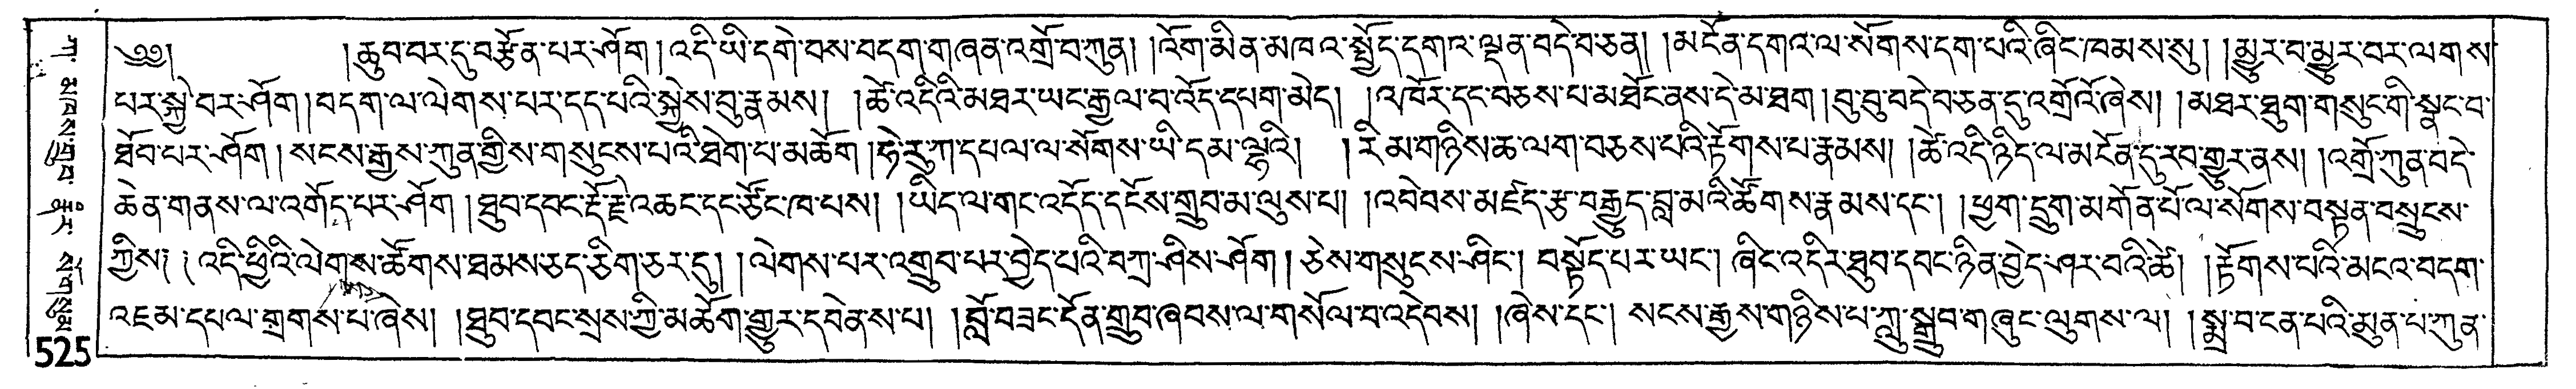༄༅། །ཆུབ་བར་དུ་བརྩོན་པར་ཤོག །འདི་ཡི་དགེ་བས་བདག་གཞན་འགྲོ་བ་ཀུན། །འོག་མིན་མཁའ་སྤྱོད་དགའ་ལྡན་བདེ་བ་ཅན། །མངོན་དགའ་ལ་སོགས་དག་པའི་ཞིང་ཁམས་སུ། །མྱུར་བ་མྱུར་བར་ལགས་
པར་སྐྱེ་བར་ཤོག །བདག་ལ་ལེགས་པར་དད་པའི་སྐྱེས་བུ་རྣམས། །ཚེ་འདིའི་མཐར་ཡང་རྒྱལ་བ་འོད་དཔག་མེད། །འཁོར་དང་བཅས་པ་མཐོང་ནས་དེ་མ་ཐག །བུ་བུ་བདེ་བ་ཅན་དུ་འགྲོའོ་ཞེས། །མཐར་ཐུག་གསུང་གི་སྣང་བ་
ཐོབ་པར་ཤོག །སངས་རྒྱས་ཀུན་གྱིས་གསུངས་པའི་ཐེག་པ་མཆོག །ཧེ་རུ་ཀ་དཔལ་ལ་སོགས་ཡི་དམ་ལྷའི། །རིམ་གཉིས་ཆ་ལག་བཅས་པའི་རྟོགས་པ་རྣམས། །ཚེ་འདི་ཉིད་ལ་མངོན་དུ་རབ་གྱུར་ནས། །འགྲོ་ཀུན་བདེ་
ཆེན་གནས་ལ་འགོད་པར་ཤོག །ཐུབ་དབང་རྡོ་རྗེ་འཆང་དང་ཙོང་ཁ་པས། །ཡིད་ལ་གང་འདོད་དངོས་གྲུབ་མ་ལུས་པ། །འབེབས་མཛད་རྩ་བརྒྱུད་བླ་མའི་ཚོགས་རྣམས་དང་། །ཕྱག་དྲུག་མགོན་པོ་ལ་སོགས་བསྟན་བསྲུངས་
ཀྱིས༑ ༑འདི་ཕྱིའི་ལེགས་ཚོགས་ཐམས་ཅད་ཅིག་ཅར་དུ། །ལེགས་པར་འགྲུབ་པར་བྱེད་པའི་བཀྲ་ཤིས་ཤོག །ཅེས་གསུངས་ཤིང་།བསྟོད་པར་ཡང་། ཞིང་འདིར་ཐུབ་དབང་ཉིན་བྱེད་ཤར་བའི་ཚེ། །རྟོགས་པའི་མངའ་བདག་
འཇམ་དཔལ་གྲགས་པ་ཞེས། །ཐུབ་དབང་སྲས་ཀྱི་མཆོག་གྱུར་དབེན་ས་པ། །བློ་བཟང་དོན་གྲུབ་ཞབས་ལ་གསོལ་བ་འདེབས། །ཞེས་དང་། སངས་རྒྱས་གཉིས་པ་ཀླུ་སྒྲུབ་གཞུང་ལུགས་ལ། །སྨྲ་བ་ངན་པའི་མུན་པ་ཀུན་